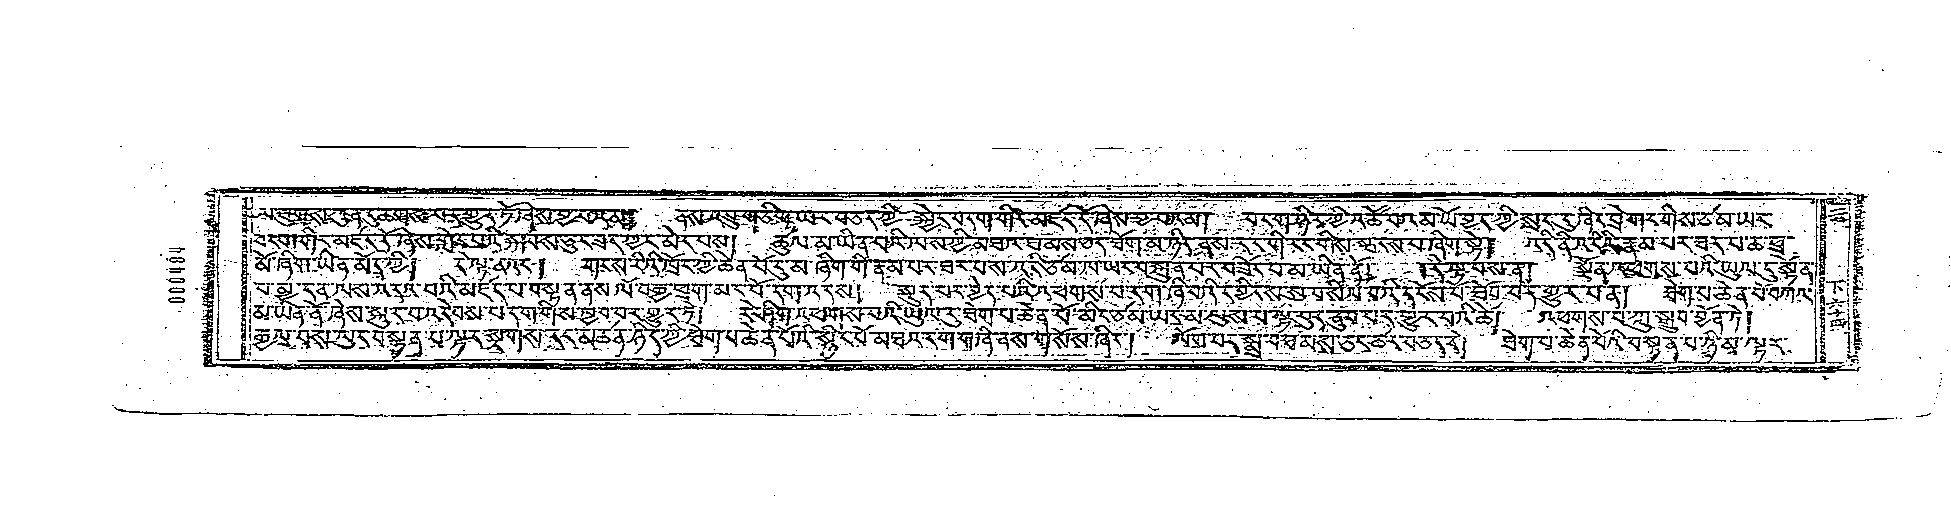ལ་ཐུགས་ཀུན་དུ་ཆགས་པར་གྱུར་ཏོ་ཞེས་བྱ་བའམ། ནས་འབྲུ་གཅིག་ཡར་བཅད་ཀྱི་སྐྱེད་བདག་གིར་མཛད་དོ་ཞེས་བྱ་བའམ། བདག་ཉིད་ཀྱི་འཚོ་བའམ་ཡོ་བྱད་ཀྱི་སླད་དུ་ཞིང་བྲེ་གང་གིས་ཙམ་ཡང་
བདག་གིར་མཛད་དོ་ཞེས་གླེང་བའི་སྐབས་ཅུང་ཟད་ཀྱང་མེད་པས། ཚུལ་མ་ཡིན་པའི་ལས་ཀྱི་མཐའ་ཐམས་ཅད་ཐོག་མ་ཉིད་ནས་རང་གི་རང་གིས་སྤངས་པ་ཞིག་སྟེ། འདི་ནི་འདིའི་རྣམ་པར་ཐར་པ་ཆ་ཕྲ་
མོ་ཞིག་ཡིན་མོད་ཀྱི། དེ་ལྟ་ནའང་། གངས་རིའི་ཁྲོད་ཀྱི་ཆེན་པོ་དུ་མ་ཞིག་གི་རྣམ་པར་ཐར་པས་འདི་ཙམ་ལ་ཡང་བསྐྲུན་པར་བཟོད་པ་མ་ཡིན་ནོ། །དེ་ལྟ་བས་ན། སྔོན་འཕགས་པའི་ཡུལ་དུ་སྟོན་
པ་མྱ་ངན་ལས་འདའ་བའི་མཛད་པ་བསྟན་ནས་ལོ་བརྒྱ་ཕྲག་མང་པོ་དག་འདས། སྡུད་པར་བྱེད་པའི་འཕགས་པ་དག་ཞི་བའི་དབྱིངས་སུ་བསིལ་བའི་དངོས་པོ་ཐོབ་བར་གྱུར་པ་ན། ཐེག་པ་ཆེན་པོ་བཀའ་
མ་ཡིན་ནོ་ཞེས་སྐུར་བ་འདེབས་པ་དག་གིས་ཁྱབ་པར་གྱུར་ཏེ། རེ་ཤིག་འཕགས་པའི་ཡུལ་དུ་ཐེག་པ་ཆེན་པོ་མིང་ཙམ་ཡང་མ་ལུས་པ་ལྟ་བུར་ནུབ་པར་གྱུར་བའི་ཚེ། འཕགས་པ་ཀླུ་སྒྲུབ་བྱོན་ཏེ།
རྒྱལ་བས་ལུང་བསྟན་པ་ལྟར་སྔགས་དང་མཚན་ཉིད་ཀྱི་ཐེག་པ་ཆེན་པོའི་སྙིང་པོ་མཐའ་དག་གཞི་ནས་གསོས་ཞིང་། ལོག་པར་སྨྲ་བ་ཐམས་ཅད་ཚར་བཅད་དེ། ཐེག་པ་ཆེན་པོའི་བསྟན་པ་ཉི་མ་ལྟར་